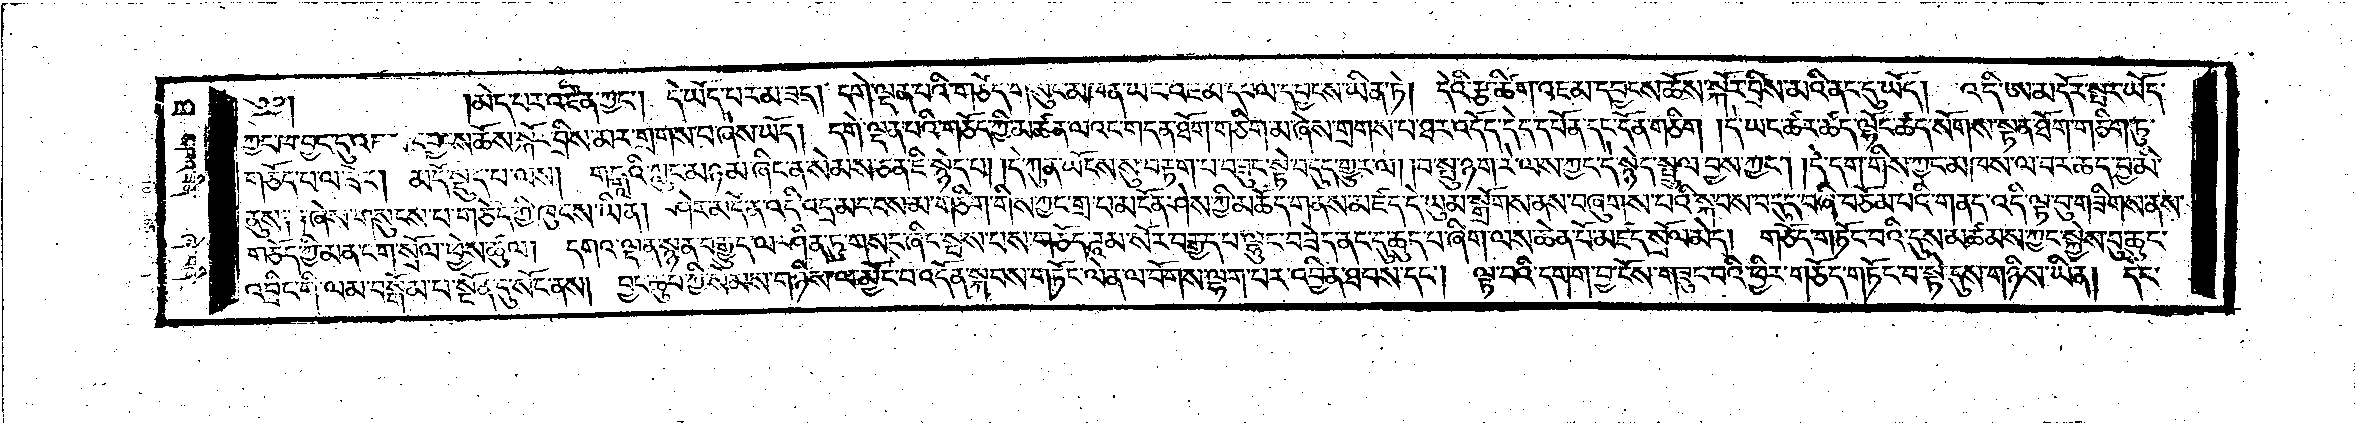༄༅། །མེད་པར་འཛིན་ཀྱང་། དེ་ཡོད་པར་མ་ཟད། དགེ་ལྡན་པའི་གཅོད་གསུང་མཁན་ཡང་འཇམ་དཔལ་དབྱངས་ཡིན་ཏེ། དེའི་རྩ་ཚིག་འཇམ་དབྱངས་ཆོས་སྐོར་བྲིས་མའི་ནང་དུ་ཡོད། འདི་ཨ་མདོར་སྤར་ཡོད་
ཀྱང་ཁ་བྱད་དུ་འཇམ་དབྱངས་ཆོས་སྐོར་བྲིས་མར་གྲགས་པ་ཞེས་ཡོད། དགེ་ལྡན་པའི་གཅོད་ཀྱི་མཚན་ལའང་གདན་ཐོག་གཅིག་མ་ཞེས་གྲགས་པ་ཐར་འདོད་དེད་དཔོན་དང་དོན་གཅིག །དེ་ཡང་ཚར་ཚད་ལྷོང་ཚད་སོགས་སྟན་ཐོག་གཅིག་ཏུ་
གཅོད་པ་ལ་ཟེར། མདོ་སྡུད་པ་ལས། གངྒཱའི་ཀླུང་མཉམ་ཞིང་ན་སེམས་ཅན་ཇི་སྙེད་པ། །དེ་ཀུན་ཡོངས་སུ་བརྟག་པ་བཟུང་སྟེ་བདུད་གྱུར་ལ། །བ་སྤུ་ཉག་རེ་ལས་ཀྱང་དེ་སྙེད་སྤྲུལ་བྱས་ཀྱང་། །དེ་དག་གིས་ཀྱང་མཁས་ལ་བར་ཆད་བྱ་མི་
ནུས༑ ༑ཞེས་གསུངས་པ་གཅོད་ཀྱི་ཁུངས་ཡིན། ཤེར་མདོ་ན་འདི་འདྲ་མང་བས་མ་གཅིག་གིས་ཀྱང་གྲ་པ་མངོན་ཤེས་ཀྱི་མཆོད་གནས་མཛད་དེ་ཡུམ་སྒྲོགས་ནས་བཞུགས་པའི་སྐབས་བདུད་བཞི་བཅོམ་པའི་གནད་འདི་ལྟ་བུ་གཟིགས་ནས་
གཅོད་ཀྱི་མན་ངག་སྲོལ་ཕྱེས་ཚུལ། དགའ་ལྡན་སྙན་བརྒྱུད་ལ་ཤིན་ཏུ་གསང་ཞིང་སྦས་པས་གཅོད་ཌཱ་མ་སོར་བརྒྱད་པ་ལྷུང་བཟེད་ནང་དུ་ཆུད་པ་ཞིག་ལས་ཆེན་པོ་མཛད་སྲོལ་མེད། གཅོད་གཏོང་བའི་དུས་མཚམས་ཀྱང་སྐྱེས་བུ་ཆུང་
འབྲིང་གི་ལམ་བསྒོམ་པ་སྔོན་དུ་སོང་ནས། བྱང་ཆུབ་ཀྱི་སེམས་གཉིས་ལ་མྱོང་བ་འདོན་སྐབས་གཏོང་ལེན་ལ་བོགས་ལྷག་པར་འབྱིན་ཐབས་དང་། ལྟ་བའི་དགག་བྱ་ངོས་གཟུང་བའི་ཕྱིར་གཅོད་གཏོད་བ་སྟེ་དུས་གཉིས་ཡིན། དེང་